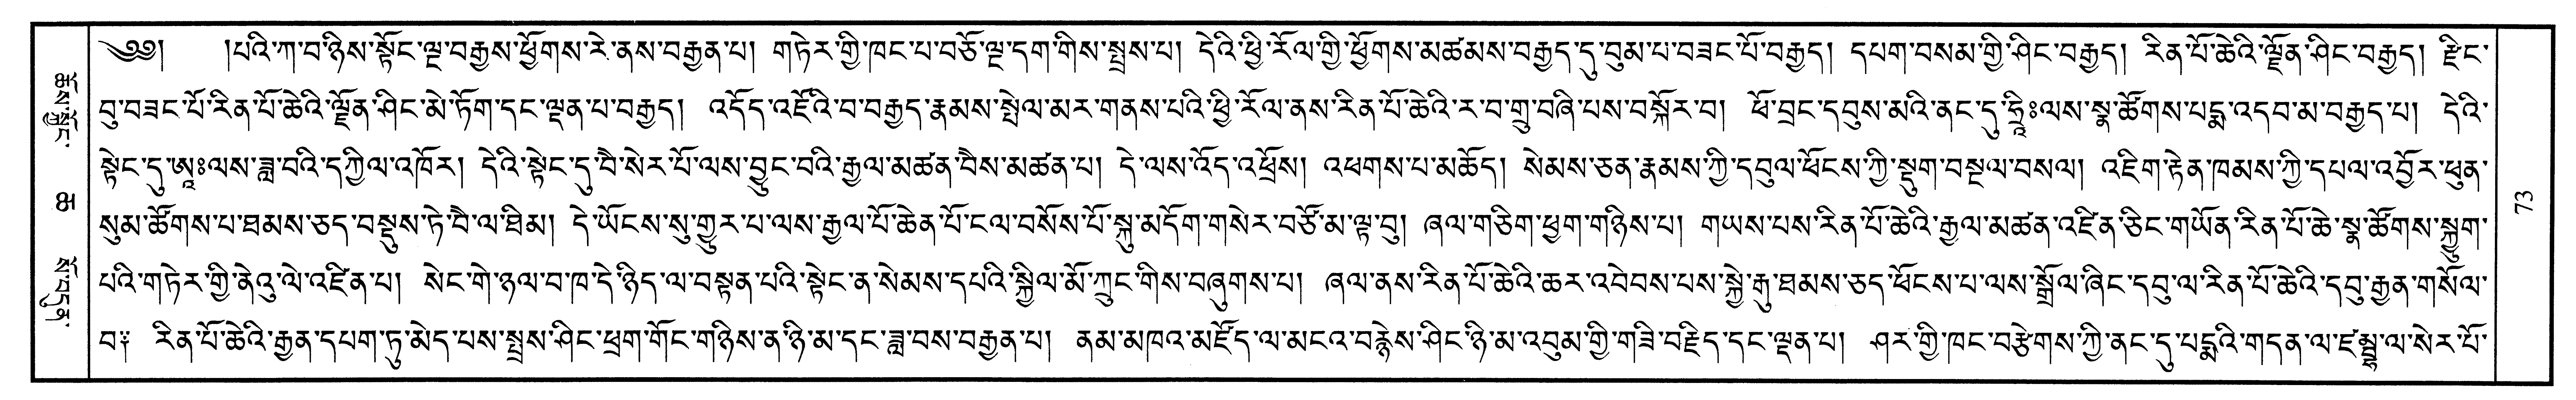༄༅། །པའི་ཀ་བ་ཉིས་སྟོང་ལྔ་བརྒྱས་ཕྱོགས་རེ་ནས་བརྒྱན་པ། གཏེར་གྱི་ཁང་པ་བཅོ་ལྔ་དག་གིས་སྤྲས་པ། དེའི་ཕྱི་རོལ་གྱི་ཕྱོགས་མཚམས་བརྒྱད་དུ་བུམ་པ་བཟང་པོ་བརྒྱད། དཔག་བསམ་གྱི་ཤིང་བརྒྱད། རིན་པོ་ཆེའི་ལྗོན་ཤིང་བརྒྱད། རྫིང་
བུ་བཟང་པོ་རིན་པོ་ཆེའི་ལྗོན་ཤིང་མེ་ཏོག་དང་ལྡན་པ་བརྒྱད། འདོད་འཇོའི་བ་བརྒྱད་རྣམས་སྤེལ་མར་གནས་པའི་ཕྱི་རོལ་ནས་རིན་པོ་ཆེའི་ར་བ་གྲུ་བཞི་པས་བསྐོར་བ། ཕོ་བྲང་དབུས་མའི་ནང་དུ་ཧྲཱིཿ ལས་སྣ་ཚོགས་པདམ་འདབ་མ་བརྒྱད་པ། དེའི་
སྟེང་དུ་ཨཱཿ ལས་ཟླ་བའི་དཀྱིལ་འཁོར། དེའི་སྟེང་དུ་བཻ་སེར་པོ་ལས་བྱུང་བའི་རྒྱལ་མཚན་བཻ་མཚན་པ། དེ་ལས་འོད་འཕྲོས། འཕགས་པ་མཆོད། སེམས་ཅན་རྣམས་ཀྱི་དབུལ་ཕོངས་ཀྱི་སྡུག་བསྔལ་བསལ། །འཇིག་རྟེན་ཁམས་ཀྱི་དཔལ་འབྱོར་ཕུན་
སུམ་ཚོགས་པ་ཐམས་ཅད་བསྡུས་ཏེ་བཻ་ལ་ཐིམ། དེ་ཡོངས་སུ་གྱུར་པ་ལས་རྒྱལ་པོ་ཆེན་པོ་ངལ་བསོས་པོ་སྐུ་མདོག་གསེར་བཙོ་མ་ལྟ་བུ། ཞལ་གཅིག་ཕྱག་གཉིས་པ། གཡས་པས་རིན་པོ་ཆེའི་རྒྱལ་མཚན་འཛིན་ཅིང་གཡོན་རིན་པོ་ཆེ་སྣ་ཚོགས་སྐྱུག་
པའི་གཏེར་གྱི་ནེའུ་ལེ་འཛིན་པ། སེང་གེ་ཉལ་བ་ཁ་དེ་ཉིད་ལ་བསྟན་པའི་སྟེང་ན་སེམས་དཔའི་སྐྱིལ་མོ་ཀྲུང་གིས་བཞུགས་པ། ཞལ་ནས་རིན་པོ་ཆེའི་ཆར་འབེབས་པས་སྐྱེ་རྒུ་ཐམས་ཅད་ཕོངས་པ་ལས་སྒྲོལ་ཞིང་དབུ་ལ་རིན་པོ་ཆེའི་དབུ་རྒྱན་གསོལ་
བ། རིན་པོ་ཆེའི་རྒྱན་དཔག་ཏུ་མེད་པས་སྤྲས་ཤིང་ཕྲག་གོང་གཉིས་ན་ཉི་མ་དང་ཟླ་བས་བརྒྱན་པ། ནམ་མཁའ་མཛོད་ལ་མངའ་བརྙེས་ཤིང་ཉི་མ་འབུམ་གྱི་གཟི་བརྗིད་དང་ལྡན་པ། ཤར་གྱི་ཁང་བརྩེགས་ཀྱི་ནང་དུ་པདམའི་གདན་ལ་ཛམྦྷ་ལ་སེར་པོ་